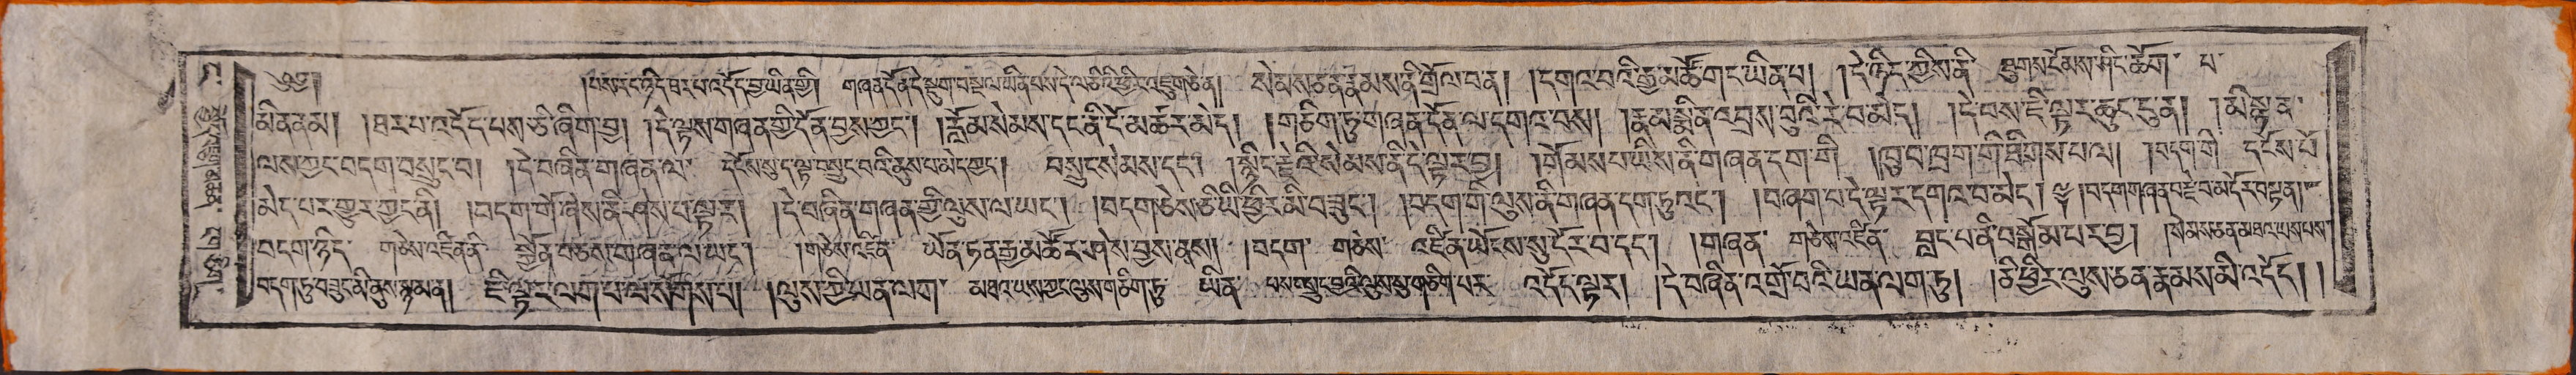༄༅། ། པས་རང་ཉིད་ཐར་པ་འདོད་བྱ་ཡིན་གྱི། གཞན་དོན་དེ་སྡུག་བསྔལ་ཡིན་པས་དེ་ལ་ཅིའི་ཕྱིར་འཇུག་ཅེ་ན།  སེམས་ཅན་རྣམས་ནི་གྲོལ་བ་ན། །དགའ་བའི་རྒྱ་མཚོ་གང་ཡིན་པ། །དེ་ཉིད་ཀྱིས་ནི་ཐུགས་ངོམས་ཤིང་ཆོག་པ
མིན་ནམ། །ཐར་པ་འདོད་པས་ཅི་ཞིག་བྱ། །དེ་ལྟས་གཞན་གྱི་དོན་བྱས་ཀྱང་། །རློམ་སེམས་དང་ནི་ངོ་མཚར་མེད། །གཅིག་ཏུ་གཞན་དོན་ལ་དགའ་པས། །རྣམ་སྨིན་འབྲས་བུའི་རེ་བ་མེད། །དེ་བས་ཇི་ལྟར་ཆུང་ངུ་ན། །མི་སྙན་
ལས་ཀྱང་བདག་བསྲུང་བ། །དེ་བཞིན་གཞན་ལ་དངོས་སུ་ད་ལྟ་བསྲུང་བའི་ནུས་པ་མེད་ཀྱང་།  བསྲུང་སེམས་དང་། །སྙིང་རྗེའི་སེམས་ནི་དེ་ལྟར་བྱ། །གོམས་པ་ཡིས་ནི་གཞན་དག་གི །ཁུ་བ་ཁྲག་གི་ཐིགས་པ་ལ། །བདག་གི་དངོས་པོ་
མེད་པར་གྱུར་ཀྱང་ནི། །བདག་གོ་ཞེས་ནི་ཤེས་པ་ལྟར། །དེ་བཞིན་གཞན་གྱི་ལུས་ལ་ཡང་། །བདག་ཅེས་ཅི་ཡི་ཕྱིར་མི་བཟུང་། །བདག་གི་ལུས་ནི་གཞན་དག་ཏུའང་། །བཞག་པ་དེ་ལྟར་དཀའ་བ་མེད། ༈ །བདག་གཞན་པ་རྗེ་བ་མདོར་བསྟན།
བདག་ཉིད་གཅེས་འཛིན་ནི་སྐྱོན་བཅས་གཞན་ལ་ཡང་། །གཅེས་འཛིན་ཡོན་ཏན་རྒྱ་མཚོར་ཤེས་བྱས་ནས། །བདག་གཅེས་འཛིན་ཡོངས་སུ་དོར་བ་དང་། །གཞན་གཅེས་འཛིན་བླང་བ་ནི་བསྒོམ་པར་བྱ། །སེམས་ཅན་མཐའ་ཡས་བས་
བདག་ཏུ་བཟུང་མི་ནུས་སྙམ་ན། ཇི་ལྟར་ལག་པ་ལ་སོགས་པ། །ལུས་ཀྱི་ཡན་ལག་།མཐའ་ཡས་ཀྱང་ལུས་གཅིག་ཏུ་ཡིན་པས་བསྲུང་བྱའི་ལུས་སུ་གཅིག་པར་འདོད་ལྟར། །དེ་བཞིན་འགྲོ་བའི་ཡན་ལག་ཏུ། །ཅི་ཕྱིར་ལུས་ཅན་རྣམས་མི་འདོད། །